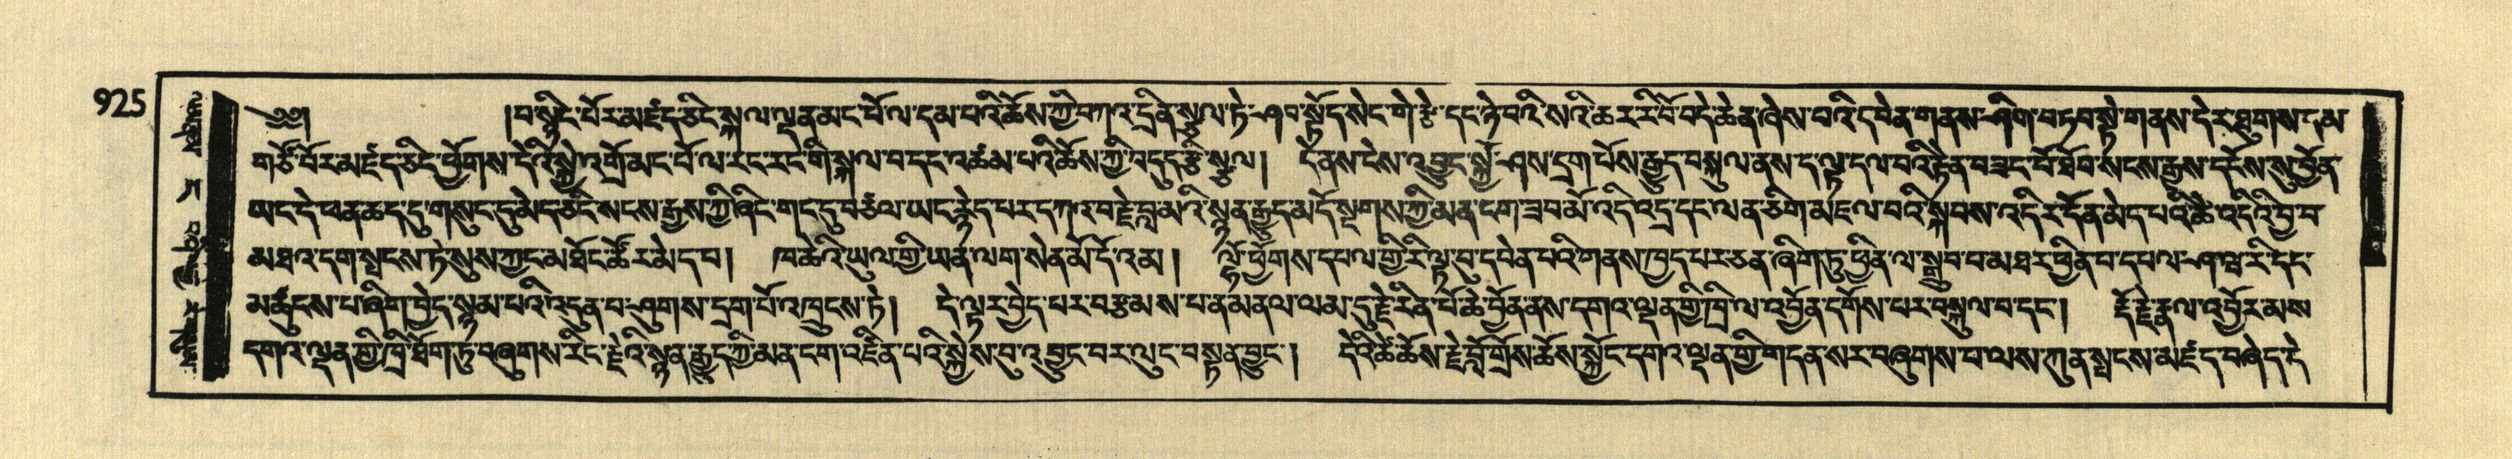༄༅། །པ་སྙིང་པོར་མཛད་ཅིང་སྐལ་ལྡན་མང་པོ་ལ་དམ་པའི་ཆོས་ཀྱི་བཀའ་དྲིན་སྩལ་ཏེ་ཤབ་སྟོད་སེང་གེ་རྩེ་དང་ཉེ་བའི་སའི་ཆར་རི་བོ་བདེ་ཆེན་ཞེས་པའི་དབེན་གནས་ཤིག་བཏབ་སྟེ་གནས་དེར་ཐུགས་དམ་
གཙོ་བོར་མཛད་ཅིང་ཕྱོགས་དེའི་སྐྱེ་འགྲོ་མང་པོ་ལ་རང་རང་གི་སྐལ་བ་དང་འཚམ་པའི་ཆོས་ཀྱི་འདུད་རྩི་སྩལ། དེ་ནས་ངེས་འབྱུང་སྐྱོ་ཤས་དྲག་པོས་རྒྱུད་བསྐུལ་ནས་ད་ལྟ་དལ་བའི་རྟེན་བཟང་པོ་ཐོབ་སངས་རྒྱས་དངོས་སུ་བྱོན་
ཡང་དེ་ཕན་ཆད་དུ་གསུང་དུ་མེད་ཅིང་སངས་རྒྱས་ཀྱི་ཞིང་གང་དུ་བཙལ་ཡང་རྙེད་པར་དཀའ་བ་རྗེ་བླ་མའི་སྙན་རྒྱུད་མདོ་སྔགས་ཀྱི་མན་ངག་ཟབ་མོ་འདི་འདྲ་དང་ལན་ཅིག་མཇལ་བའི་སྐབས་འདིར་དོན་མེད་པའི་ཚེ་འདིའི་བྱ་བ་
མཐའ་དག་སྤངས་ཏེ་སུས་ཀྱང་མཐོང་ཚོར་མེད་པ། ཁ་ཆེའི་ཡུལ་གྱི་ཡན་ལག་སེན་མོ་དོ་འམ། ལྷོ་ཕྱོགས་དཔལ་གྱི་རི་ལྟ་བུ་དབེན་པའི་གནས་ཁྱད་པར་ཅན་ཞིག་ཏུ་ཕྱིན་ལ་སྒྲུབ་བ་མཐར་ཕྱིན་པ་དཔལ་ཤ་ཝ་རི་དང་
མཚུངས་པ་ཞིག་བྱེད་སྙན་པའི་འདུན་པ་ཤུགས་དྲག་པོ་འཁྲུངས་ཏེ། དེ་ལྟར་བྱེད་པར་བརྩམས་པ་ན་མནལ་ལམ་དུ་རྗེ་རིན་པོ་ཆེ་བྱོན་ནས་དགའ་ལྡན་གྱི་ཁྲི་ལ་འབྱོན་དགོས་པར་བསྐུལ་བ་དང་། རྡོ་རྗེ་རྣལ་འབྱོར་མས་
དགའ་ལྡན་གྱི་ཁྲི་ཐོག་ཏུ་བཞུགས་རིང་རྗེའི་སྙན་རྒྱུད་ཀྱི་མན་ངག་འཛིན་པའི་སྐྱེས་བུ་འབྱུང་བར་ལུང་བསྟན་བྱུང་། དེའི་ཚེ་ཆོས་རྗེ་བློ་གྲོས་ཆོས་སྐྱོང་དགའ་ལྡན་གྱི་གདན་སར་བཞུགས་པ་ལས་ཀུན་སྤངས་མཛད་བཞེད་དེ་